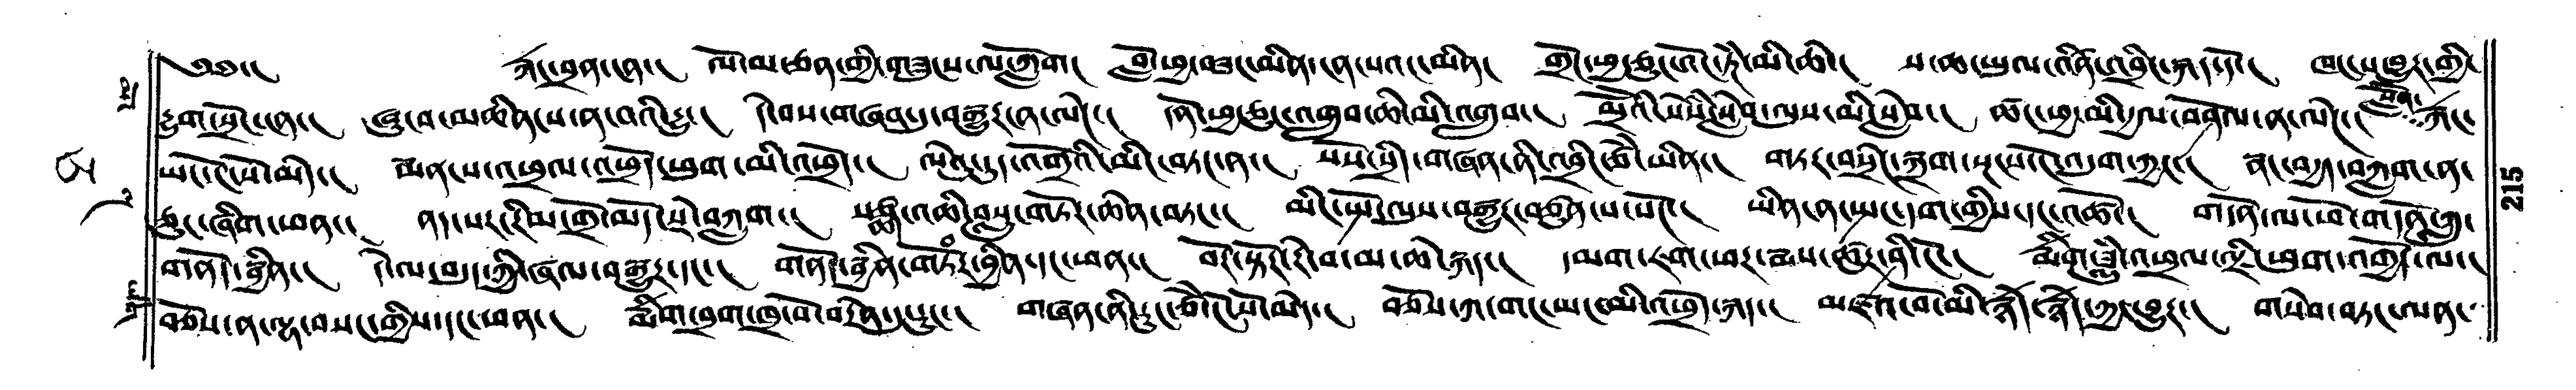རྐང་བྲན་ངན། །ལོ་མ་ཅན་གྱི་གཟུངས་ལ་ཀློག །བློ་ཕྱྭ་བཟང་མིན་ངན་པའང་མིན། །གྲོགས་ཕྱྭ་ཅུང་འོང་རྔམས་མི་ཆེ། །ས་ཕྱྭ་ཡུལ་འཛིན་འབྲིང་སྐད་དོ། །ཁང་པ་བྱུར་གྱི་
རྒྱུག་སྲོང་ངན། །ཞུ་བ་མཆིན་པ་ན་བའི་རྒྱུ། །དེ་བས་གཞན་དུ་བསྒྱུར་ན་ལེགས། །དོན་ཕྱ་ཅུང་འགྲུབ་ཆེ་མི་འགྲུབ། །མཁའ་འགྲོའྀ་སེམས་སླེབ་ལུས་མི་སླེབ་། །ཚོང་ཕྱྭ་མི་རྒྱལ་བཤོལ་ན་ལེགས། །སློབ་དཔོན་སྐོང་
ཡང་ངོ་སོ་མེད། །སྨན་པ་འཕྲལ་འཕྲོད་ཕུགས་མི་འཕྲོད། །ལེའུ་དུད་འགྲོའི་མིང་བཏགས་ན། །གསོས་སྲིད་གཞན་ནི་འབྲིང་ཙམ་ཡིན། །གཏར་སྲེག་སྐྲག་སྔང་ངོ་འདུག་ཀྱང་། །སྣང་བརྒྱད་བཀླགས་ན་
ཅུང་ཞིག་ཕན། །ནད་པར་རིམ་གྲོ་མདོ་སྡེ་བཀླག །སཙྪ་འཆི་བསླུ་གཏོར་ཆེན་གཏང་། །མིང་སྤོ་ལུས་སྒྱུར་བཙུན་པ་སོགས། །ཡིན་ནོ་སྤང་དག་གྱིས་དང་འཚོ། །གདོན་ལ་ཕོ་གདོན་ཀླུ་
གནོད་སྦྱིན། །དེ་ལ་བདུད་ཀྱི་ཞལ་བསྒྱུར་དང་། །གནོད་སྦྱིན་གཏོར་མ་བྱིན་དང་ཕན། །བོར་གཏོར་རེ་བ་མ་ཆེ་སྐད། །དམག་ཇག་ཕར་རྨས་ཚུར་ཤི་ངོ་། །རྨིག་ཟླུམ་འཕྲལ་ལྗི་ཕུགས་འགྱོད་ལ། །
བཅོས་ན་ལྷ་བསང་གྱིས་དང་ཕན། །རྨིག་དབྲག་ཁྲ་བོ་བརྟེན་དུ་རུང་། །གཞན་ནི་རུང་ཙམ་ངོ་སོ་མེད་། །བཅོས་ཀ་གང་ཡང་མི་འཕྲོད་སྐད། །མཛའ་བོ་མི་རྙེད་རྙེད་ཀྱང་བྱུར། །གསེབ་བཏང་ལན་